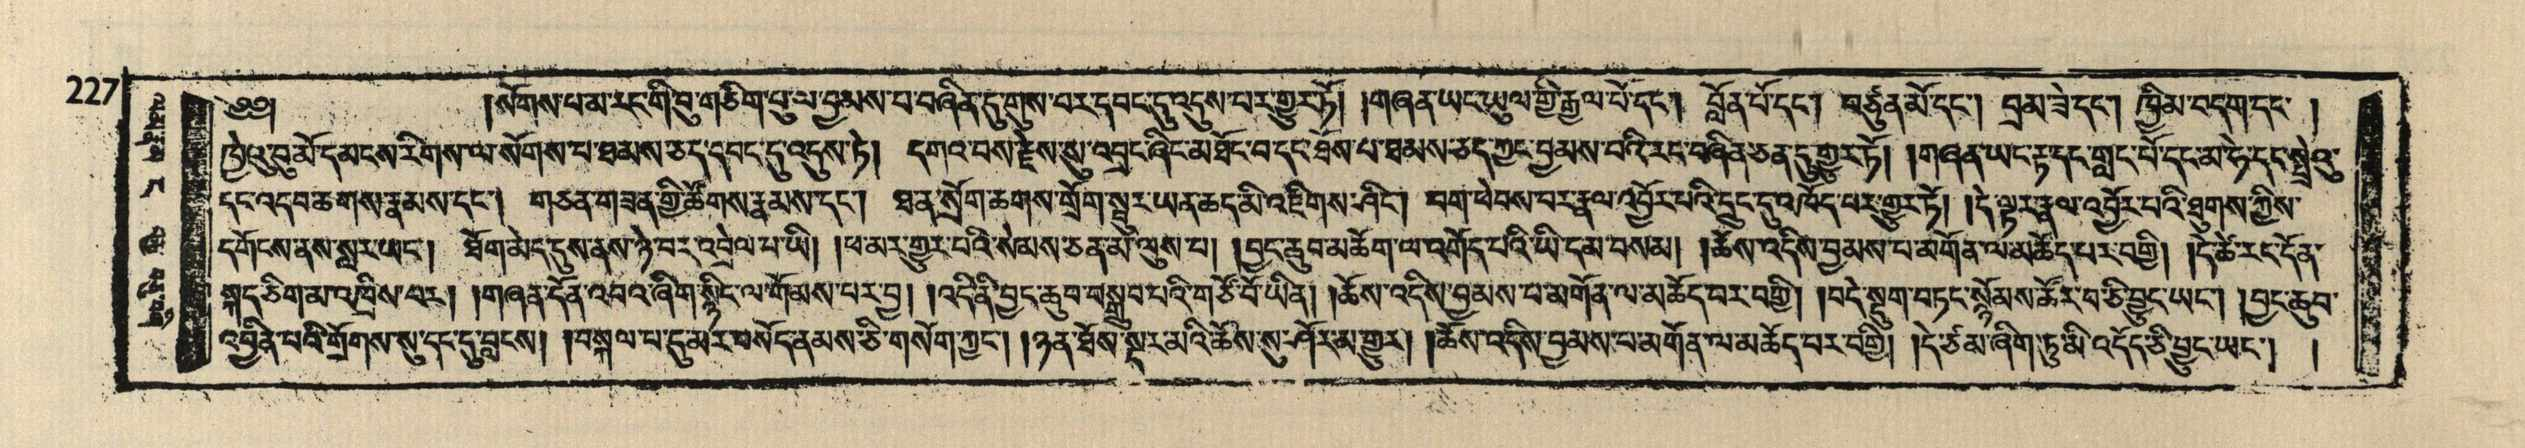༄༅། །སོགས་པ་མ་རང་གི་བུ་གཅིག་པུ་ལ་བྱམས་པ་བཞིན་དུ་གུས་པར་དབང་དུ་འདུས་པར་གྱུར་ཏོ། །གཞན་ཡང་ཡུལ་གྱི་རྒྱལ་པོ་དང་། བློན་པོ་དང་། བཙུན་མོ་དང་། བྲམ་ཟེ་དང་། ཁྱིམ་བདག་དང་།
ཁྱེའུ་བུ་མོ་དམངས་རིགས་ལ་སོགས་པ་ཐམས་ཅད་དབང་དུ་འདུས་ཏེ། དགའ་བས་རྗེས་སུ་འབྲང་ཞིང་མཐོང་བ་དང་ཐོས་པ་ཐམས་ཅད་ཀྱང་བྱམས་བའི་རང་བཞིན་ཅན་དུ་གྱུར་ཏོ། །གཞན་ཡང་རྟ་དང་གླང་པོ་དང་མ་ཧེ་དང་སྤྲེའུ་
དང་འདབ་ཆགས་རྣམས་དང་། གཅན་གཟན་གྱི་ཚོགས་རྣམས་དང་། ཐ་ན་སྲོག་ཆགས་གྲོག་སྦུར་ཡན་ཆད་མི་འཇིགས་ཤིང་། བག་ཕེབས་བར་རྣལ་འབྱོར་པའི་དྲུང་དུ་འཁོད་པར་གྱུར་ཏོ། །དེ་ལྟར་རྣལ་འབྱོར་པའི་ཐུགས་ཀྱིས་
དགོངས་ནས་སླར་ཡང་། ཐོག་མེད་དུས་ནས་ཉེ་བར་འབྲེལ་པ་ཡི། །ཕ་མར་གྱུར་པའི་སེམས་ཅན་མ་ལུས་པ། །བྱང་ཆུབ་མཆོག་ལ་འགོད་པའི་ཡི་དམ་བསམ། །ཆོས་འདིས་བྱམས་པ་མགོན་ལ་མཆོད་པར་བགྱི། །དེ་ཚེ་རང་དོན་
སྐད་ཅིག་མ་འཁྲིས་བར། །གཞན་དོན་འབའ་ཞིག་སྙིང་ལ་གོམས་པར་བྱ། །འདི་ནི་བྱང་ཆུབ་བསྒྲུབ་པའི་གཙོ་བོ་ཡིན། །ཆོས་འདིས་བྱམས་པ་མགོན་ལ་མཆོད་བར་བགྱི། །བདེ་སྡུག་བཏང་སྙོམས་ཚོར་བ་ཅི་བྱུང་ཡང་། །བྱང་ཆུབ་
འབྱིན་པའི་གྲོགས་སུ་དང་དུ་བླངས། །བསྐལ་པ་དུ་མར་བསོད་ནམས་ཅི་གསོག་ཀྱང་། །ཉན་ཐོས་སྔར་མའི་ཆོས་སུ་ཤོར་མ་གྱུར། །ཆོས་འདིས་བྱམས་པ་མགོན་ལ་མཆོད་པར་བགྱི། །དེ་ཙམ་ཞིག་ཏུ་མི་འདོད་ཅི་བྱུང་ཡང་། །